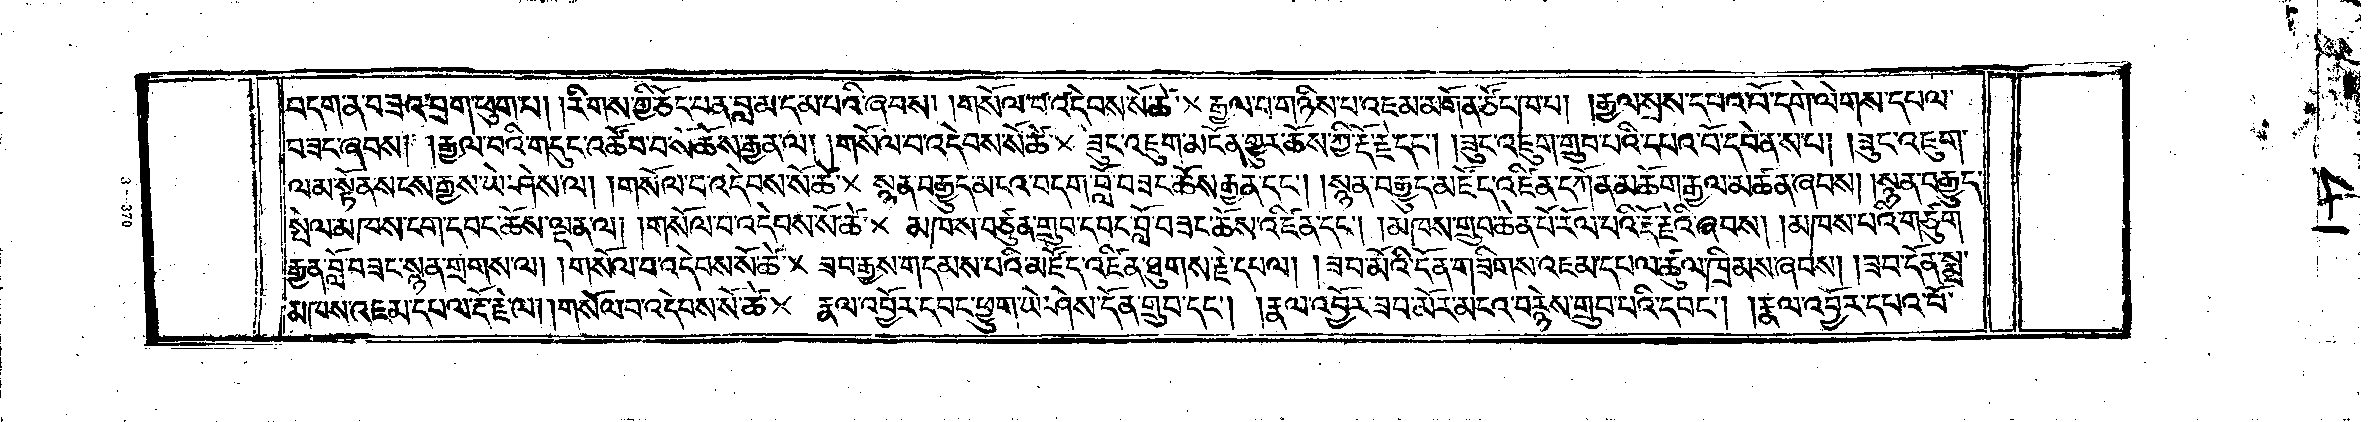བདག་ན་བཟའ་བྲག་ཕུག་པ། །རིགས་ཀྱི་ཅོད་པན་བླ་མ་དམ་པའི་ཞབས། །གསོལ་བ་འདེབས་སོ་ཚེ་྾་རྒྱལ་བ་གཉིས་པ་འཇམ་མགོན་ཙོང་ཁ་པ། །རྒྱལ་སྲས་དཔའ་པོ་དགེ་ལེགས་དཔལ་
བཟང་ཞབས། །རྒྱལ་བའི་གདུང་འཚོ་བ་སོ་ཆོས་རྒྱན་ལ། །གསོལ་བ་འདེབས་སོ་ཚེ་྾་ཟུང་འཇུག་མངོན་གྱུར་ཆོས་ཀྱི་རྡོ་རྗེ་དང་། །ཟུང་འཇུག་གྲུབ་པའི་དཔའ་པོ་དབེན་ས་པ། །ཟུང་འཇུག་
ལམ་སྟོན་སངས་རྒྱས་ཡེ་ཤེས་ལ། །གསོལ་བ་འདེབས་སོ་ཚེ་྾་སྙན་བརྒྱུད་མངའ་བདག་བློ་བཟང་ཆོས་རྒྱན་དང་། །སྙན་བརྒྱུད་མཛོད་འཛིན་དཀོན་མཆོག་རྒྱལ་མཚན་ཞབས། །སྙན་བརྒྱུད་
སྤེལ་མཁས་ངག་དབང་ཆོས་ལྡན་ལ། །གསོལ་བ་འདེབས་སོ་ཚེ་྾་མཁས་བཙུན་གྲུབ་དབང་བློ་བཟང་ཆོས་འཛིན་དང་། །མཁས་གྲུབ་ཆེན་པོ་རོལ་པའི་རྡོ་རྗེའི་ཞབས། །མཁས་པའི་གཙུག་
རྒྱན་བློ་བཟང་སྙན་གྲགས་ལ། །གསོལ་བ་འདེབས་སོ་ཚེ་྾་ཟབ་རྒྱས་གདམས་པའི་མཛོད་འཛིན་ཐུགས་རྗེ་དཔལ། །ཟབ་མོའི་དོན་གཟིགས་འཇམ་དཔལ་ཚུལ་ཁྲིམས་ཞབས། །ཟབ་དོན་སྨྲ་
མཁས་འཇམ་དཔལ་རྡོ་རྗེ་ལ། །གསོལ་བ་འདེབས་སོ་ཚེ་྾་རྣལ་འབྱོར་དབང་ཕྱུག་ཡེ་ཤེས་དོན་གྲུབ་དང་། །རྣལ་འབྱོར་ཟབ་མོར་མངའ་བརྙེས་གྲུབ་པའི་དབང་། །རྣལ་འབྱོར་དཔའ་བོ་